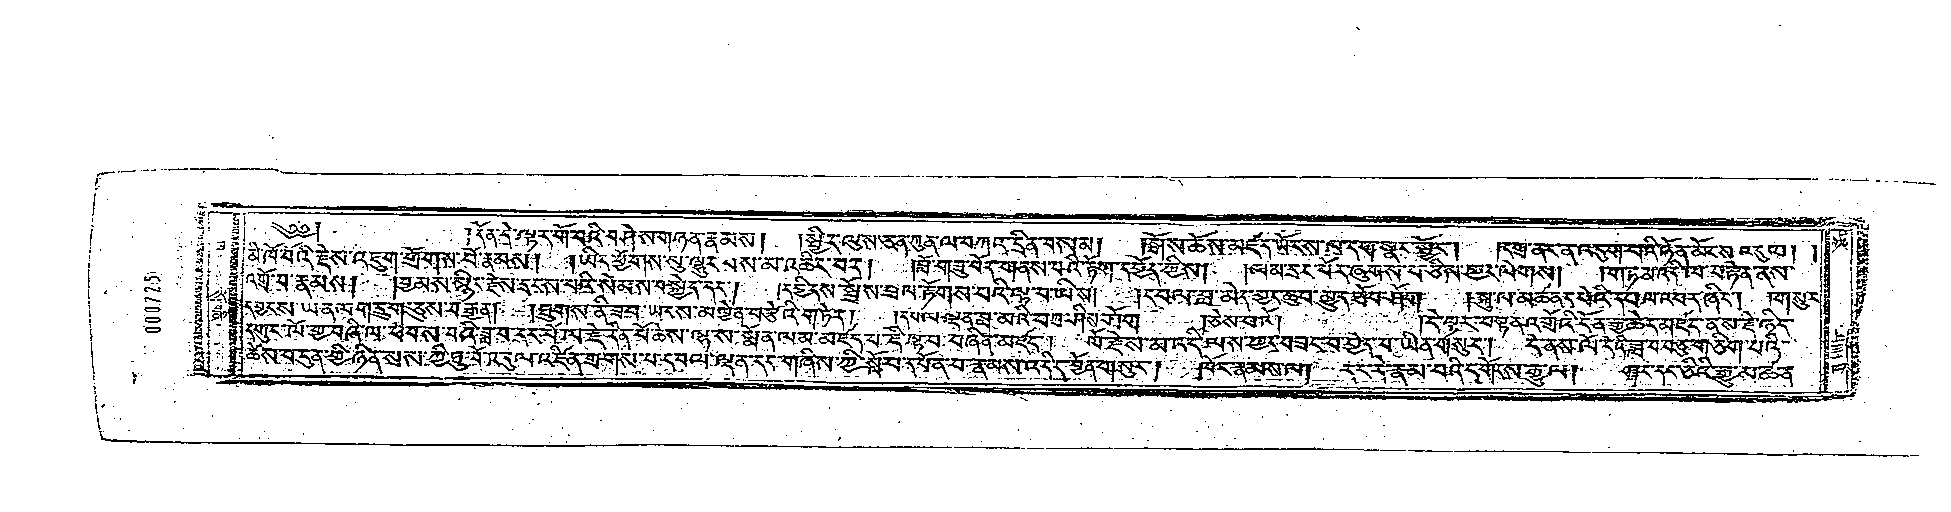༄༅། །དོན་དེ་ལྟར་གོ་བའི་བཤེས་གཉན་རྣམས། །སྤྱིར་ལུས་ཅན་ཀུན་ལ་བཀའ་དྲིན་བསམ། །སྒོས་ཆོས་མཛད་ཡོངས་ལ་དག་སྣང་སྦྱོད། །དགྲ་ནང་ན་འདུག་པའི་ཉོན་མོངས་འདུལ། །
མི་ཁོ་བོའི་རྗེས་འཇུག་གྲོགས་པོ་རྣམས། །ཡིད་ཕྱོགས་སུ་ལྷུང་པས་མ་འཆིང་བར། །བློ་གཟུ་བོར་གནས་པའི་རྟོག་དཔྱོད་ཀྱིས། །ལམ་དྲང་པོར་ཞུགས་པ་ཅིས་ཀྱང་ལེགས། །གཏམ་འདི་ལ་བརྟེན་ནས་
འགྲོ་བ་རྣམས། །བྱམས་སྙིང་རྗེས་དྲངས་པའི་སེམས་བསྐྱེད་དང་། །དབྱིངས་སྦྲོས་བྲལ་རྟོགས་པའི་ལྟ་བ་ཡིས། །དབལ་བླ་མེད་བྱང་ཆུབ་མྱུར་ཐོབ་ཤོག །སྐུ་ལ་མཚན་དཔེའི་དཔལ་འབར་ཞིང་། །གསུང་
དབྱངས་ཡན་ལག་དྲུག་ཅུས་བརྒྱན། །ཐུགས་ནི་ཟབ་ཡངས་མཁྱེན་བརྩེའི་གཏེར། །དཔལ་ལྡན་བླ་མའི་བཀྲ་ཤིས་ཤོག །ཅེས་པའོ། །དེ་ལྟར་བསྟན་འགྲོའི་དོན་རྒྱ་ཆེར་མཛད་ནས་རྗེ་ཉིད་
དགུང་ལོ་གྱ་བཞི་ལ་ཕེབས་པའི་ཟླ་བ་དང་པོ་ལ་རྗེ་རིན་པོ་ཆེས་ལྷ་ས་སྨོན་ལམ་མཛད་པ་ཇི་ལྟ་བ་བཞིན་མཛད། ལོ་རྗེས་མ་འདི་ལས་ཀྱང་བཟང་བ་བྱེད་པ་ཡིན་གསུང་། དེ་ནས་ལོ་དེའི་ཟླ་བ་བཅུ་གཅིག་པའི་
ཚེས་བདུན་གྱི་ཉིན་སྲས་ཀྱི་ཐུ་བོ་འདུལ་འཛིན་གྲགས་པ་དཔལ་ལྡན་དང་གཞིས་ཀྱི་སློབ་དཔོན་པ་རྣམས་འདིར་བྱོན་གསུང་། ཁོང་རྣམས་ལ། རང་རེ་རྣམ་པའི་དགོངས་རྒྱུ་ལ། གང་དང་ཅིའི་རྒྱུ་མཚན་